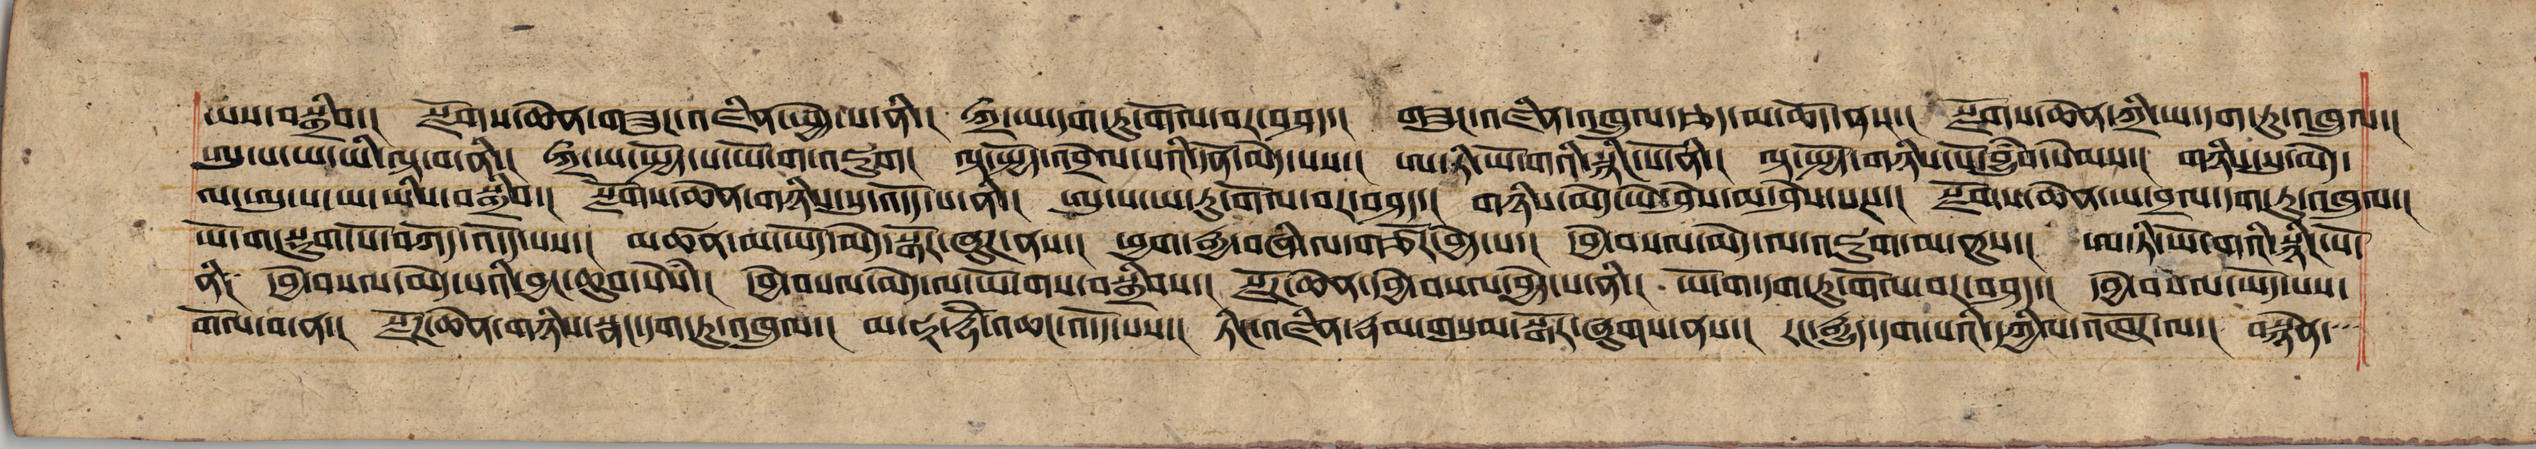ཡས་བསྒྲིབ་། སྫོགས་ཆེན་གཟུང་འཛིན་སྤྱོད་པ་ནི་། ཀྲྀ་ཡ་དག་ཏུ་གོལ་བར་བཤད་། གཟུང་འཛིན་འཁྲུལ་རྩད་མ་ཆོད་ནས་། སྫོགས་ཆེན་ཀྲྀ་ཡ་དག་ཏུ་འཁྲུལ་།
ཨུ་པ་ཡ་ཡི་ལྟ་བ་ནི་། ཀྲྀ་ཡ་སྤྱོད་པ་ཡོ་ག་འཇུག། ལྟ་སྤྱོད་འབྲེལ་པའི་དོན་མེད་པས་། ཨ་ཏི་ཡོ་གའི་སྙིང་པོ་ནི་། ལྟ་སྤྱོད་གཉིས་པོ་བྱུཾབ་སེམས་། གཉིས་སུ་མེད་
ལ་ཨུ་པ་ཡ་ཡིས་བསྒྲིབ་། སྫོགས་ཆེན་གཉིས་སུ་འདོད་པ་ནི་། ཨུ་པ་ཡ་ཏུ་གོལ་བར་བཤད་། གཉིས་མེད་ཡེ་ཤེས་མ་ཤེས་པས་། སྫོགས་ཆེན་ཡ་བྲལ་དག་ཏུ་འཁྲུལ་།
ཡོ་ག་སྡུག་པོ་བཀོད་འདོད་པས་། མཚན་མ་ཡོད་མེད་སྒོར་ཞུཌ་ནས་། ཕྱག་རྒྱ་བཞི་ལ་གཙོར་བྱེད་པ་། དབྱེ་བསལ་མེད་ལ་འཇུག་མ་ནུས་། ཨ་ཏི་ཡོ་གའི་སྙིང་པོ་
ནི༑ དབྱེ་བསལ་མེད་པའི་བྱང་ཆུབ་སེཾས་། དབྱེ་བསལ་མེད་ལ་ཡོ་གས་བསྒྲིབས་། སྫོཌ་ཆེན་དབྱེ་བསལ་བྱེད་པ་ནི་། ཡོ་ག་དག་ཏུ་གོལ་བར་བཤད་། དབྱེ་བསལ་ཡོད་པས་
གོལ་བ་ན་། སྫོཌ་ཆེན་གཉིས་སྣང་དག་ཏུ་འཁྲུལ་། མ་ཧཱ་རྡོེ་འཆང་འདོད་པས་། ཏིང་འཛིན་རྣམ་གསུམ་སྒོར་ཞུགས་ནས་། རང་རྒྱུད་དག་པའི་དཀྱིལ་འཁོར་ལ་། བསྙེན་